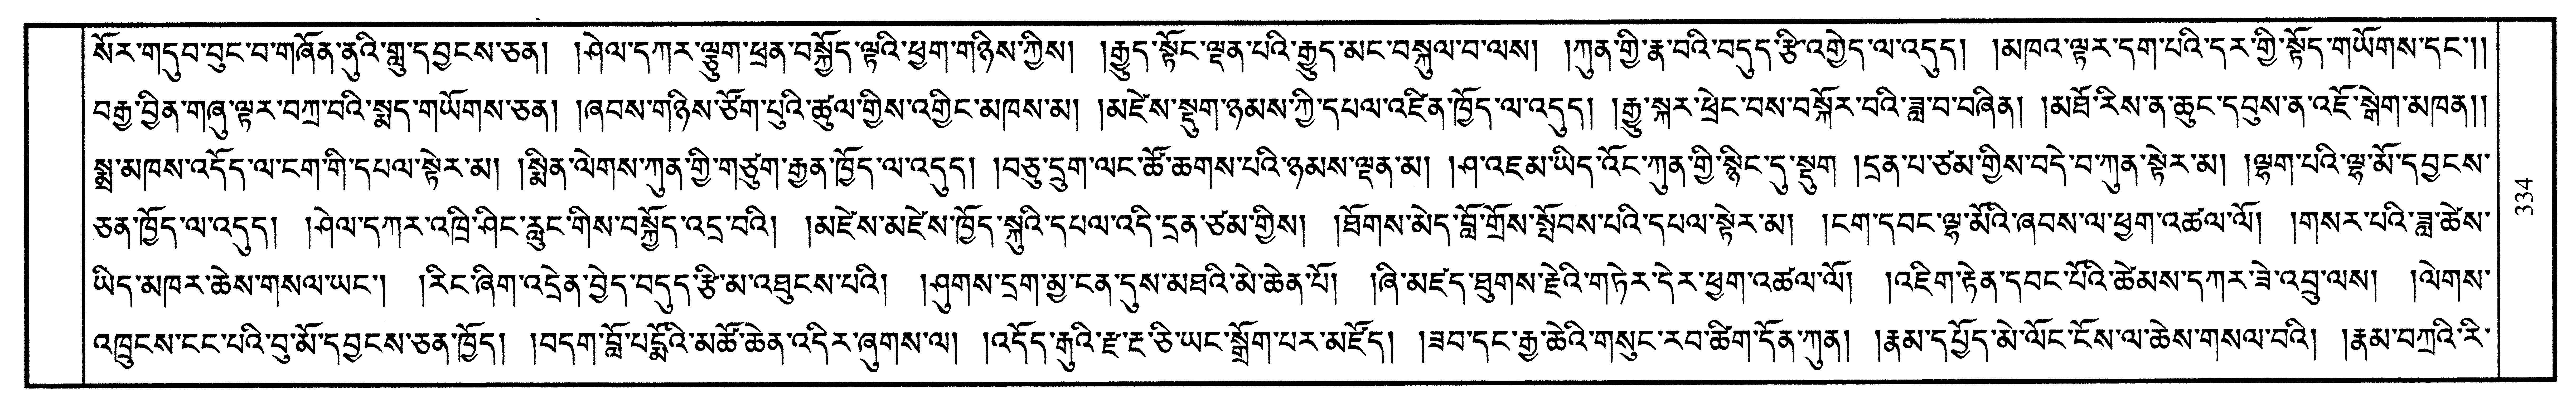སོར་གདུབ་བུང་བ་གཞོན་ནུའི་གླུ་དབྱངས་ཅན། །ཤེལ་དཀར་ལྕུག་ཕྲན་བསྐྱོད་ལྟའི་ཕྱག་གཉིས་ཀྱིས། །རྒྱུད་སྟོང་ལྡན་པའི་རྒྱུད་མང་བསྐུལ་བ་ལས། །ཀུན་གྱི་རྣ་བའི་བདུད་རྩི་འགྱེད་ལ་འདུད། །མཁའ་ལྟར་དག་པའི་དར་གྱི་སྟོད་གཡོགས་དང།།
བརྒྱ་བྱིན་གཞུ་ལྟར་བཀྲ་བའི་སྨད་གཡོགས་ཅན། །ཞབས་གཉིས་ཙོག་པུའི་ཚུལ་གྱིས་འགྱིང་མཁས་མ། །མཛེས་སྡུག་ཉམས་ཀྱི་དཔལ་འཛིན་ཁྱོད་ལ་འདུད། །རྒྱུ་སྐར་ཕྲེང་བས་བསྐོར་བའི་ཟླ་བ་བཞིན། །མཐོ་རིས་ན་ཆུང་དབུས་ན་འཇོ་སྒེག་མཁན།།
སྨྲ་མཁས་འདོད་ལ་ངག་གི་དཔལ་སྟེར་མ། །སྨིན་ལེགས་ཀུན་གྱི་གཙུག་རྒྱན་ཁྱོད་ལ་འདུད། །བཅུ་དྲུག་ལང་ཚོ་ཆགས་པའི་ཉམས་ལྡན་མ། །ཤ་འཇམ་ཡིད་འོང་ཀུན་གྱི་སྙིང་དུ་སྡུག །དྲན་པ་ཙམ་གྱིས་བདེ་བ་ཀུན་སྟེར་མ། །ལྷག་པའི་ལྷ་མོ་དབྱངས་
ཅན་ཁྱོད་ལ་འདུད། །ཤེལ་དཀར་འཁྲི་ཤིང་རླུང་གིས་བསྐྱོད་འདྲ་བའི། །མཛེས་མཛེས་ཁྱོད་སྐུའི་དཔལ་འདི་དྲན་ཙམ་གྱིས། །ཐོགས་མེད་བློ་གྲོས་སྤོབས་པའི་དཔལ་སྟེར་མ། །ངག་དབང་ལྷ་མོའི་ཞབས་ལ་ཕྱག་འཚལ་ལོ། །གསར་པའི་ཟླ་ཚེས་
ཡིད་མཁར་ཆེས་གསལ་ཡང་། །རིང་ཞིག་འདྲེན་བྱེད་བདུད་རྩི་མ་འཐུངས་པའི། །ཤུགས་དྲག་མྱ་ངན་དུས་མཐའི་མེ་ཆེན་པོ། །ཞི་མཛད་ཐུགས་རྗེའི་གཏེར་དེར་ཕྱག་འཚལ་ལོ། །འཇིག་རྟེན་དབང་པོའི་ཚེམས་དཀར་ཟེ་འབྲུ་ལས། །ལེགས་
འཁྲུངས་ངང་པའི་བུ་མོ་དབྱངས་ཅན་ཁྱོད། །བདག་བློ་པདམོའི་མཚོ་ཆེན་འདིར་ཞུགས་ལ། །འདོད་རྒུའི་རྫ་རྔ་ཅི་ཡང་སྒྲོག་པར་མཛོད། །ཟབ་དང་རྒྱ་ཆེའི་གསུང་རབ་ཚིག་དོན་ཀུན། །རྣམ་དཔྱོད་མེ་ལོང་ངོས་ལ་ཆེས་གསལ་བའི། །རྣམ་བཀྲའི་རི་